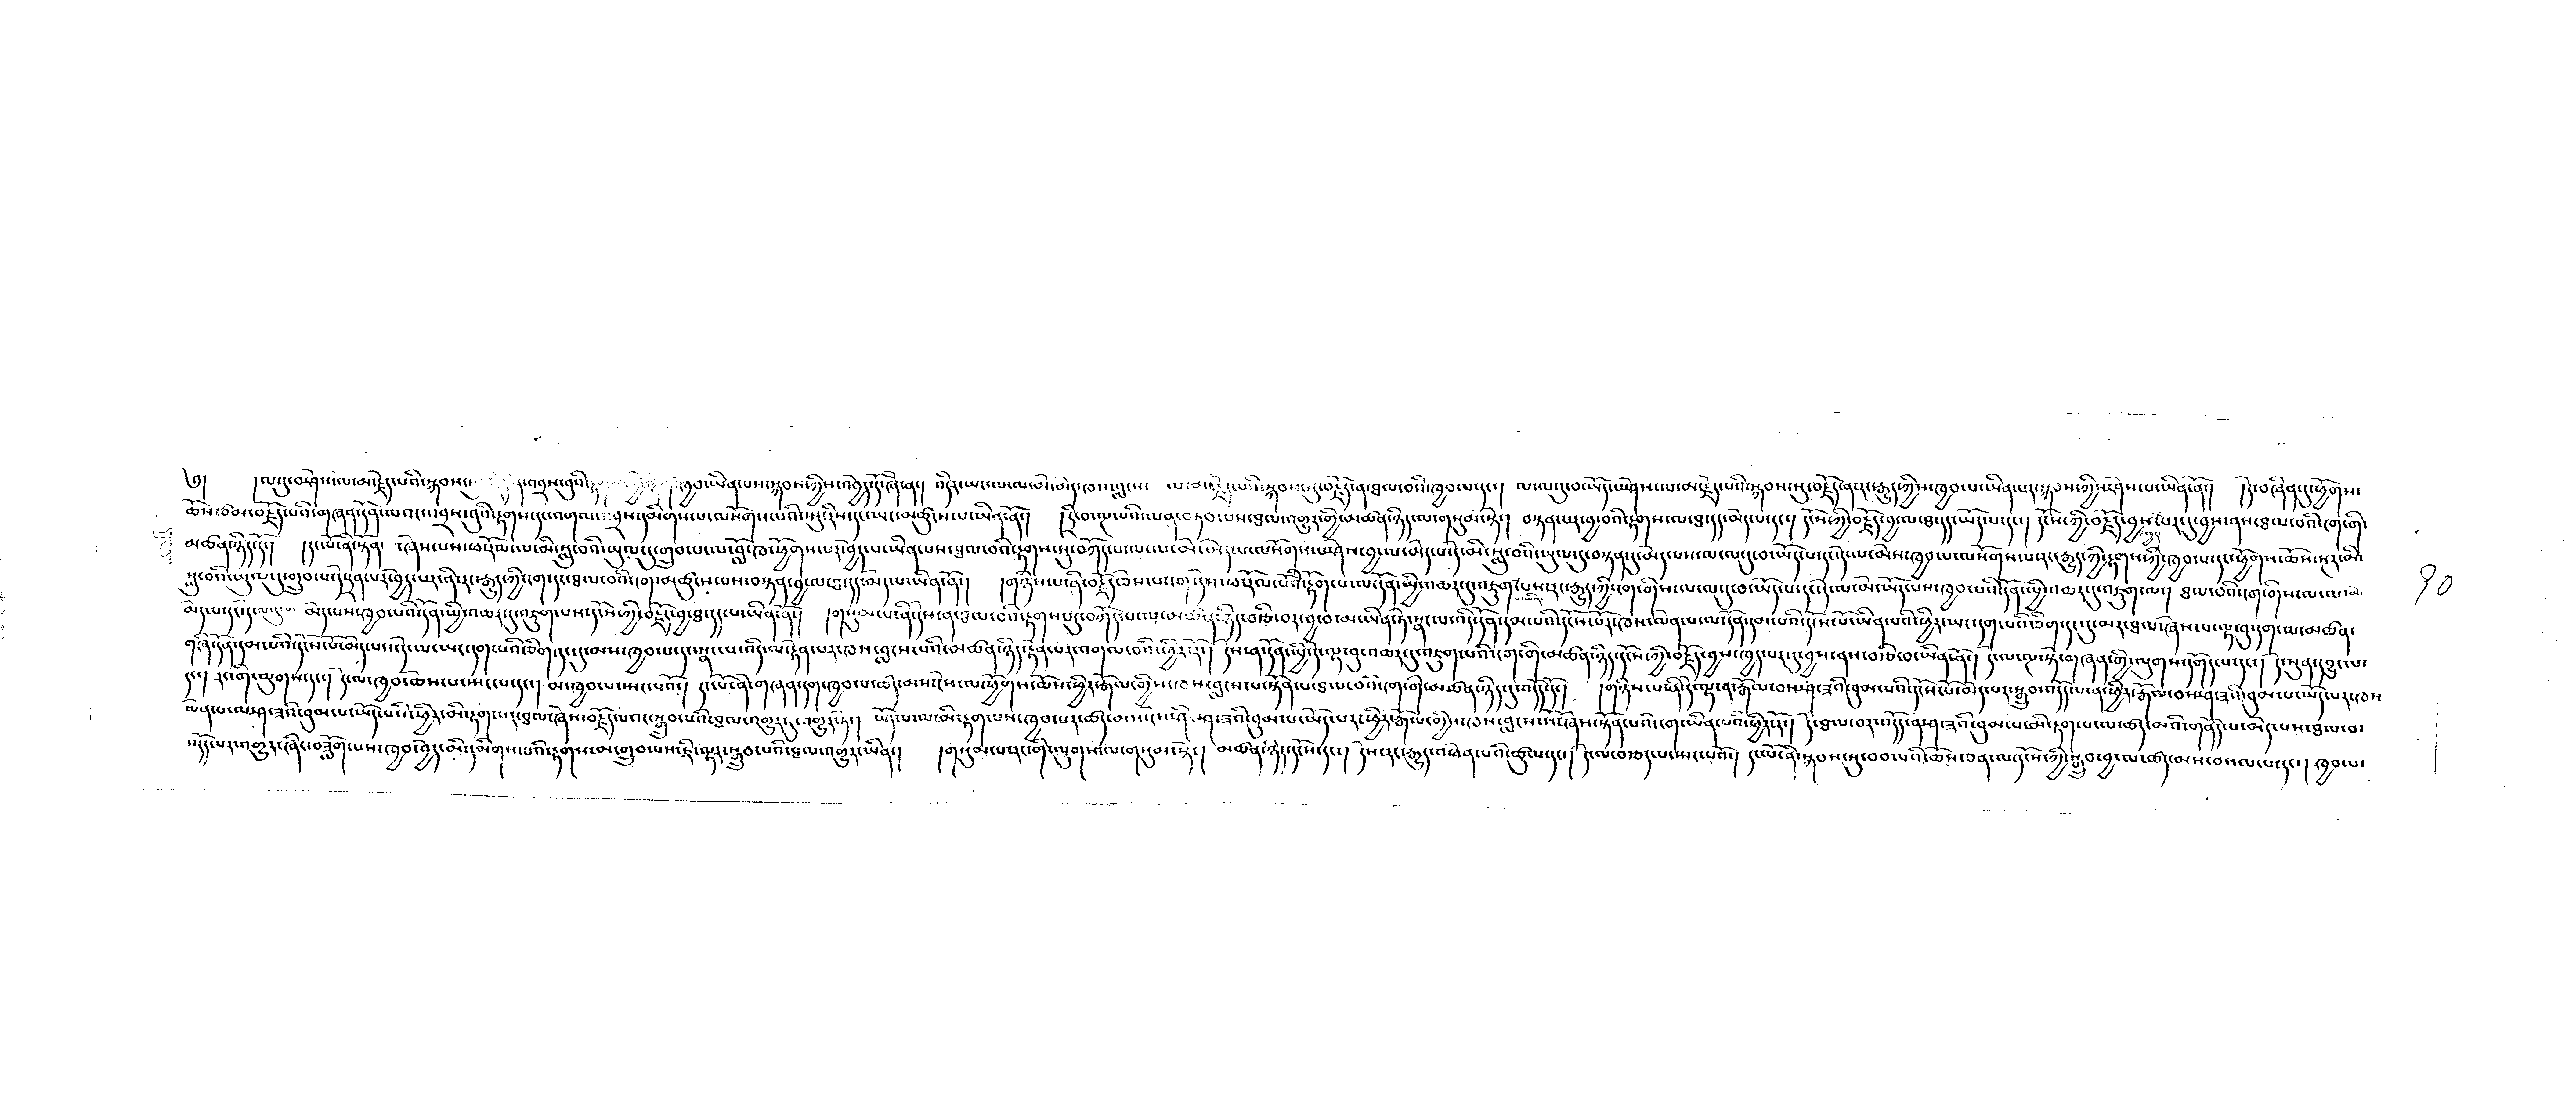༈། །ལ་དུ་བ་ཤེས་ལ་མ་རྗེད་པའི་སྐབས་སུ་?་འབྲས་བུའི་རྟགས་ཀྱི་ལྡོག་ཁྱབ་ཡིན་པས་སྐབས་ཀྱིས་འབྱེད་དོ་ཞེ་ན། འདིར་ཡང་ལ་ལ་མེ་མེད་ཁས་བླངས་པ་མ་རྗེད་པའི་སྐབས་སུ་བརྗོད་ན་ཐལ་བའི་ཁྱབ་པ་དང་། ལ་ལ་དུ་བ་ཡོད་པ་ཤེས་པ་མ་རྗེད་པའི་སྐབས་སུ་བརྗོད་ན་རང་རྒྱུད་ཀྱིས་ཁྱབ་པ་ཡིན་པར་སྐབས་ཀྱིས་ཤེས་པ་ཡིན་ནོ། །དེ་བཞིན་དུ་ཕྱོགས་
ཆོས་ཙམ་བརྗོད་པའི་གཞན་དོན་ལའང་འབྲས་བུའི་རྟགས་དང་འགལ་འབྲས་དམིགས་པ་ལ་སོགས་པའི་སྤུ་རིས་དང་ཡང་མཚུངས་པ་ཡིན་ནོ། །དྲི་བ་ལྔ་པའི་ལན་བཏབ་པས་ཐལ་འགྱུར་གྱི་མཚན་ཉིད་ལ་གསུམ་སྟེ། བསྟན་པར་བྱ་བའི་རྟགས་ལ་ཐ་དད་མེད་པ་དང་། དངོས་ཀྱི་བརྗོད་བྱ་ལ་ཐ་དད་ཡོད་པ་དང་། དངོས་ཀྱི་བརྗོད་བྱས་ཁྱད་པར་དུ་བྱས་ནས་ཐལ་བའི་ངག་གི་
མཚན་ཉིད་དོ། །དང་པོ་ནི་སྟོན་པ་ཞེས་པས་ཕ་རོལ་ལ་མི་སླུ་བའི་ཡུལ་དུ་གྲུབ་པ་ལ་བློ་ཁ་ཕྱོགས་པར་བྱེད་པ་ཡིན་པས་ཐལ་བའི་རྟགས་སུ་བཀོད་པ་ལ་ལ་མེ་ཡོད་པ་ལ་སོགས་པ་ཤེས་བྱ་ལ་མེད་པ་དེ་མི་སླུ་བའི་ཡུལ་དུ་བསྟན་དུ་མེད་པས་ལ་ལ་དུ་བ་ཡོད་པ་དང་དེ་ལ་མེས་ཁྱབ་པ་ལ་སོགས་པ་རང་རྒྱུད་ཀྱི་རྟགས་ཀྱི་ཁྱབ་པ་དང་ཕྱོགས་ཆོས་སྔར་མི་
སླུ་བའི་ཡུལ་དུ་གྲུབ་པ་དེ་དྲན་པར་བྱེད་པར་ནི་རང་རྒྱུད་ཀྱི་ངག་དང་ཐལ་བའི་ངག་མཚུངས་པས་བསྟན་བྱ་ལ་ཐ་དད་མེད་པ་ཡིན་ནོ། །གཉིས་པ་ནི་བརྗོད་ཅེས་པ་ངག་དེས་ཕ་རོལ་པོའི་རྟོག་པ་ལ་དོན་སྤྱི་འཆར་དུ་འཇུག་པ་ཡིན་པས་རང་རྒྱུད་ཀྱི་ངག་གིས་ལ་ལ་དུ་བ་ཡོད་པ་དང་དེ་ལ་མེ་ཡོད་པས་ཁྱབ་པའི་དོན་སྤྱི་འཆར་དུ་འཇུག་ལ། ཐལ་བའི་ངག་གིས་ལ་ལ་མེ་
མེད་པ་དང་དེ་ལ་དུ་བ་མེད་པས་ཁྱབ་པའི་དོན་སྤྱི་འཆར་དུ་འཇུག་པས་དངོས་ཀྱི་བརྗོད་བྱ་ཐ་དད་པ་ཡིན་ནོ། །གསུམ་པ་ནི་དེས་ན་ཐལ་བའི་རྟགས་སུ་བཀོད་པ་ལ་མཚན་ཉིད་བརྩི་བར་བྱ་བ་མ་ཡིན་ཏེ་སྣང་པ་འདི་དོན་དམ་པའི་དངོས་པོར་ཁས་ལེན་པ་ལ་དོན་དམ་པའི་དངོས་པོ་ཡིན་པའི་ཕྱིར་ཡང་དག་པའི་ཅིག་དང་དུ་མར་ཐལ་ཞེས་པ་ལྟ་བུ་དག་ལ་མཚན་
གཞི་དོན་དམ་པའི་དངོས་པོ་མེད་པས་དེ་ལ་ཡང་དག་པའི་ཅིག་དང་དུ་མས་ཁྱབ་པ་དང་སྣང་པ་འདི་ལ་རྟེན་པར་ཁས་བླངས་པའི་མཚན་ཉིད་རྟེན་པར་འགལ་བའི་ཕྱིར་རོ། དེས་ན་དོན་སྤྱི་དེ་ལྟ་བུ་འཆར་དུ་འཇུག་པའི་ངག་གི་མཚན་ཉིད་དངོས་ཀྱི་བརྗོད་བྱས་ཁྱད་པར་དུ་བྱས་ནས་བརྩི་བ་ཡིན་ནོ། དེ་ལ་ལྔ་སྟེ་གཞན་གྱི་ལུགས་དགོད་པ་དང་། དེ་སུན་དབྱུང་པ་
དང་། རང་གི་ལུགས་དང་། དེ་ལ་ཁྱབ་ཆེས་པ་སྤང་པ་དང་། མ་ཁྱབ་པ་སྤང་པའོ། དང་པོ་ནི་གཞན་དག་ཁྱབ་པ་མེད་མས་ངེས་ལ་ཕྱོགས་ཆོས་ཕྱིར་རྒོལ་གྱིས་ཁས་བླངས་པ་སྟོན་པ་ཐལ་བའི་ངག་གི་མཚན་ཉིད་དུ་འདོད་དོ། །གཉིས་པ་ནི་དེ་ལྟ་ན་རྒོལ་བས་ཤ་ཟའི་བུམ་པའི་དངོས་པོ་མེད་པར་སྒྲུབ་འདོད་པ་ན་ཕྱིར་རྒོལ་བས་ཤ་ཟའི་བུམ་པ་ཡོད་པར་ཁས་
ལེན་པ་ལ་ཤ་ཟའི་བུམ་པ་ཡོད་པའི་ཕྱིར་མི་རྟག་པར་ཐལ་ཞེས་བརྗོད་པའང་སྒྲུབ་པའི་ཐལ་འགྱུར་དུ་འགྱུར་ཏེ། ཡོད་པ་ལ་མི་རྟག་པས་ཁྱབ་པར་ཚད་མས་ངེས་ཤིང་ཤ་ཟའི་བུམ་པ་ཡོད་པར་ཕྱིར་རྒོལ་གྱིས་ཁས་བླངས་སོ་ཞེས་སྟོན་པའི་ངག་ཡིན་པའི་ཕྱིར་རོ། དེ་ཐལ་བར་འདོད་ན་ཤ་ཟའི་བུམ་པ་མི་རྟག་པ་ལ་ཚད་མའི་གནོད་པ་མེད་པས་ཐལ་བ་
འདོད་པར་འགྱུར་ཞིང་བཟློག་པས་ཁྱབ་བྱེད་མི་དམིགས་པའི་རྟགས་མ་གྲུབ་པས་ཇི་ལྟར་སྒྲུབ་པའི་ཐལ་འགྱུར་ཡིན། །གསུམ་པ་རང་གི་ལུགས་ལ་གསུམ་སྟེ། མཚན་ཉིད་དངོས་དང་། དེས་རང་རྒྱུད་འཕེན་པའི་ཚུལ་དང་། དེ་ལ་བརྩད་པ་སྤང་པའོ། དང་པོ་ནི་སྐབས་སུ་བབ་པའི་ཆོས་ཅན་ལ་དངོས་ཀྱི་སྒྲུབ་བྱ་ལ་ཚད་མས་བསལ་པ་དང་། ཁྱབ་པ་